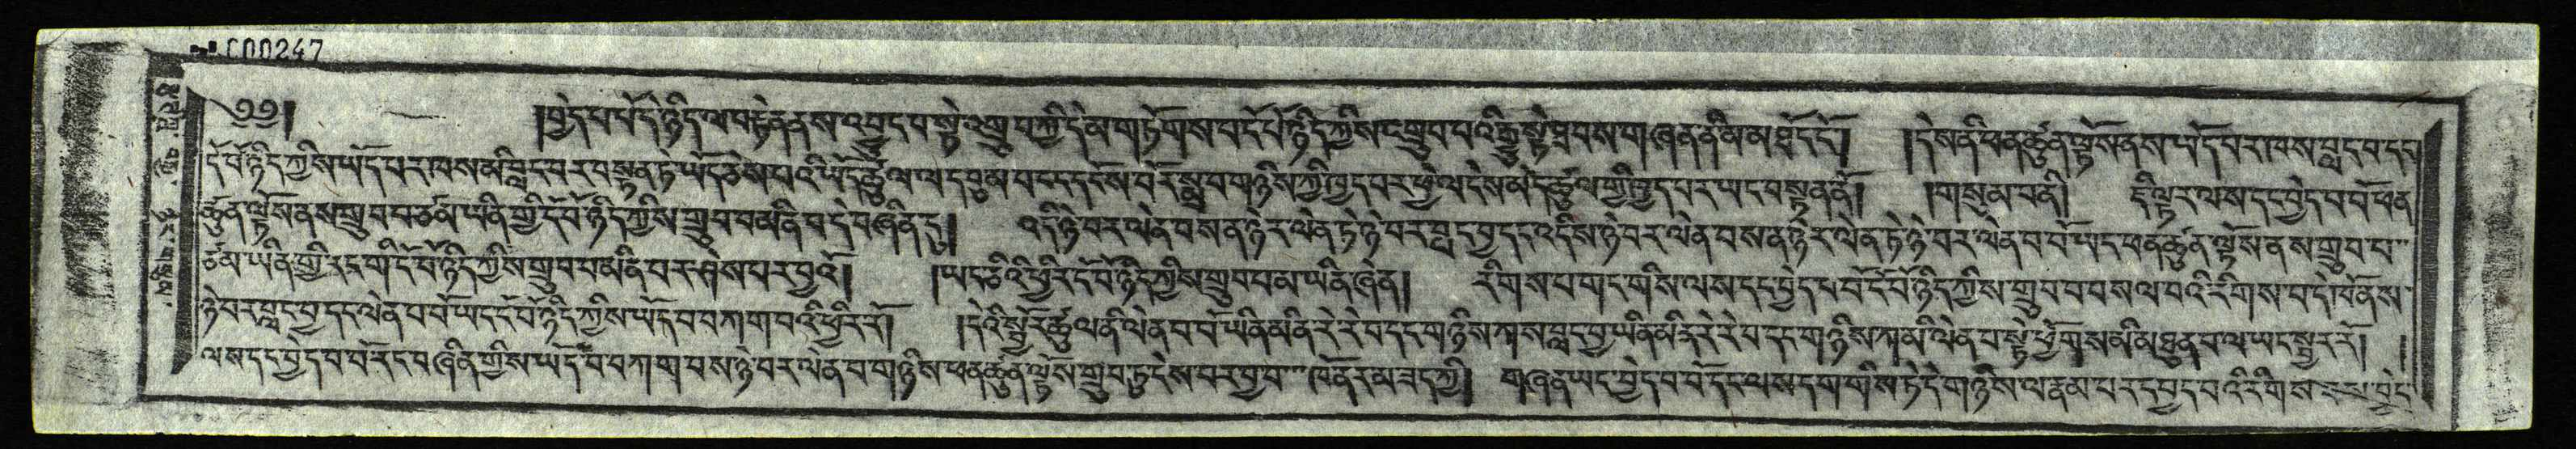༄༅། །བྱེད་པ་པོ་དེ་ཉིད་ལ་བརྟེན་ནས་འབྱུང་བ་སྟེ་འགྲུབ་ཀྱི་དེ་མ་གཏོགས་པ་ངོ་བོ་ཉིད་ཀྱིས་འགྲུབ་པའི་རྒྱུ་སྟེ་ཐབས་གཞན་ནི་མ་མཐོང་ངོ། །དེས་ནི་ཕན་ཚུན་ལྟོས་ནས་ཡོད་པར་ཁས་བླང་བ་དང་
ངོ་བོ་ཉིད་ཀྱིས་ཡོད་པར་ཁས་མི་བླང་བར་བསྟན་ཏེ་ཡོད་ཅེས་པའི་ཡོད་ཚུལ་ལ་དབུ་མ་པ་དང་དངོས་པོར་སྨྲ་བ་གཉིས་ཀྱི་ཁྱད་པར་ཕྱི་མ་ངེས་མེད་ཚུལ་གྱི་ཁྱད་པར་ཡང་བསྟན་ནོ། །གསུམ་པ་ནི། ཇི་ལྟར་ལས་དང་བྱེད་པ་པོ་ཕན་
ཚུན་ལྟོས་ནས་གྲུབ་པ་ཙམ་ཡིན་གྱི་ངོ་བོ་ཉིད་ཀྱིས་གྲུབ་པ་མིན་པ་དེ་བཞིན་དུ། འདི་ཉེ་བར་ལེན་པས་ན་ཉེར་ལེན་ཏེ་ཉེ་བར་བླང་བྱ་དང་འདིས་ཉེ་བར་ལེན་པས་ན་ཉེར་ལེན་ཏེ་ཉེ་བར་ལེན་པ་པོ་ཡང་ཕན་ཚུན་ལྟོས་ནས་གྲུབ་པ་
ཙམ་ཡིན་གྱི་རང་གི་ངོ་བོ་ཉིད་ཀྱིས་གྲུབ་པ་མིན་པར་ཤེས་པར་བྱའོ། །ཡང་ཅིའི་ཕྱིར་ངོ་བོ་ཉིད་ཀྱིས་གྲུབ་པ་མ་ཡིན་ཞེ་ན། རིགས་པ་གང་གིས་ལས་དང་བྱེད་པ་པོ་ངོ་བོ་ཉིད་ཀྱིས་གྲུབ་པ་བསལ་བའི་རིགས་པ་དེ་ཁོ་ནས་
ཉེ་བར་བླང་བྱ་དང་ལེན་པ་པོ་ཡང་ངོ་བོ་ཉིད་ཀྱིས་ཡོད་པ་བཀག་བའི་ཕྱིར་རོ། །དེའི་སྦྱོར་ཚུལ་ནི་ལེན་པ་པོ་ཡིན་མིན་རེ་རེ་བ་དང་གཉིས་ཀས་བླང་བྱ་ཡིན་མིན་རེ་རེ་བ་དང་གཉིས་ཀ་མི་ལེན་པ་སྟེ་ཕྱོགས་མི་མཐུན་པ་ལ་ཡང་སྦྱར་རོ། །
ལས་དང་བྱེད་པ་པོ་རང་བཞིན་གྱིས་ཡོད་པ་བཀག་པས་ཉེ་བར་ལེན་པ་གཉིས་ཕན་ཚུན་ལྟོས་གྲུབ་ཏུ་ངེས་པར་བྱ་བ་ཁོ་ནར་མ་ཟད་ཀྱི། གཞན་ཡང་བྱེད་པ་པོ་དང་ལས་དག་གིས་ཏེ་དེ་གཉིས་ལ་རྣམ་པར་དཔྱད་པའི་རིགས་ལས་བྱེད་